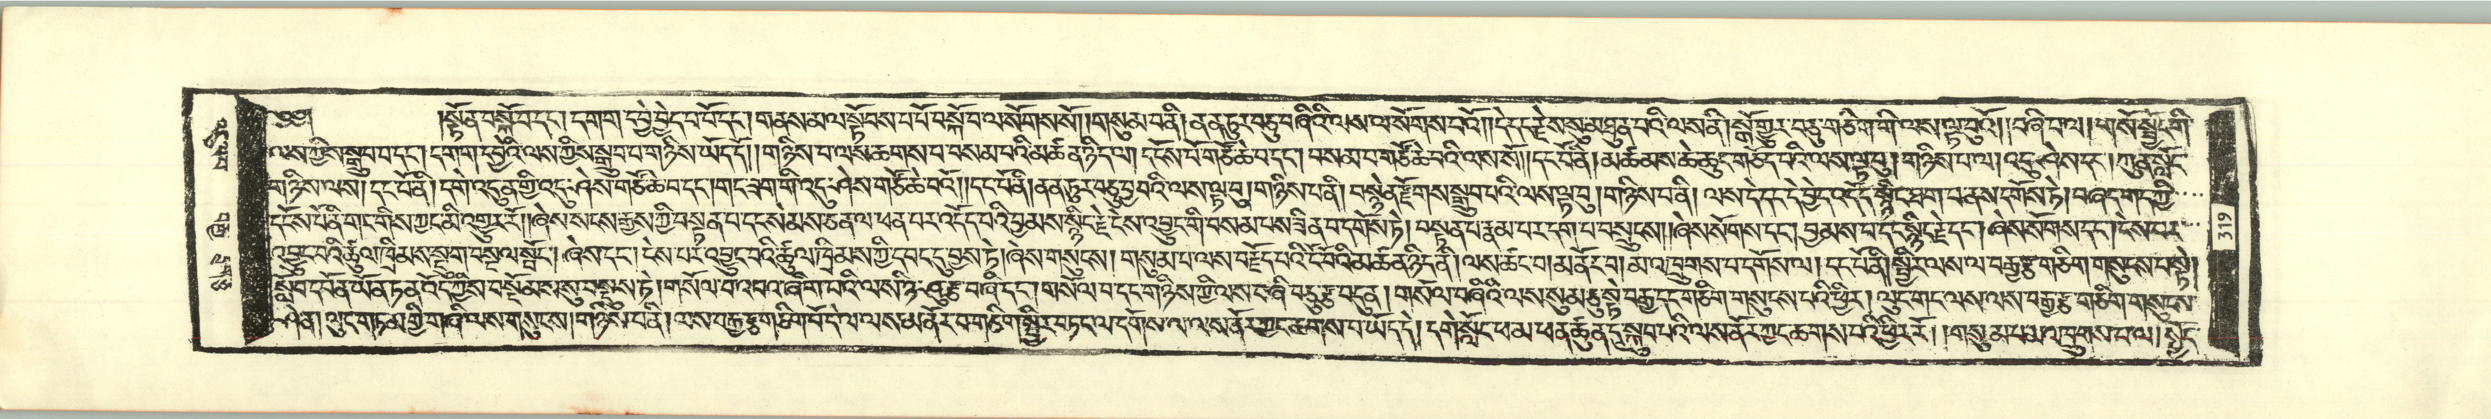༄༅། །སྟོན་བསྐོ་བ་དང་། དགག་དབྱེ་བྱེད་པ་པོ་དང་། གནས་མལ་སྟོབས་པ་པོ་བསྐོ་བ་ལ་སོགས་སོ། །གསུམ་པ་ནི། ནན་ཏུར་བཅུ་བཞིའི་ལས་ལ་སོགས་པའོ། །དེ་དང་རྗེས་སུ་མཐུན་པའི་ལས་ནི། སྒོ་གྱུར་བཅུ་གཅིག་གི་ལས་ལྟ་བུའོ། །བཞི་པ་ལ། གསོ་སྦྱོང་གི་
ལས་ཀྱིས་སྒྲུབ་པ་དང་། དགག་དབྱེའི་ལས་ཀྱིས་སྒྲུབ་པ་གཉིས་ཡོད་དོ། །གཉིས་པ་ལས་ཆགས་པ་བསམ་པའི་མཚན་ཉིད་ལ། དངོས་པོ་གཙོ་ཆེ་བ་དང་། བསམ་པ་གཙོ་ཆེ་བའི་ལས་སོ། །དང་པོ་ནི། མཚམས་ཆེ་ཆུང་གཅོད་པའི་ལས་ལྟ་བུ། གཉིས་པ་ལ། འདུ་ཤེས་དང་། ཀུན་སློང་
གཉིས་ལས། དང་པོ་ནི། དགེ་འདུན་གྱི་འདུ་ཤེས་གཙོ་ཆེ་བ་དང་། གང་ཟག་གི་འདུ་ཤེས་གཙོ་ཆེ་བའོ། །དང་པོ་ནི། ནན་ཏུར་བཅུ་བྱ་བའི་ལས་ལྟ་བུ། གཉིས་པ་ནི། བསྙེན་རྫོགས་སྒྲུབ་པའི་ལས་ལྟ་བུ། གཉིས་པ་ནི། ལས་དེ་དང་དེ་བྱེད་འདོད་སྙིང་ཐག་པ་ནས་དགོས་ཏེ། བཞད་གད་ཀྱི་
དངོས་པོ་ནི་གང་གིས་ཀྱང་མི་འགྱུར་རོ། །ཞེས་སངས་རྒྱས་ཀྱི་བསྟན་པ་དང་སེམས་ཅན་ལ་ཕན་པར་འདོད་པའི་བྱམས་སྙིང་རྗེ་ངེས་འབྱུང་གི་བསམ་པས་ཟིན་པ་དགོས་ཏེ། བསྟན་པ་རྣམ་པར་དག་པ་བསྲུངས། ཞེས་སོགས་དང་། བྱམས་པ་དང་སྙིང་རྗེ་དང་། ཞེས་སོགས་དང་། ངེས་པར་
འབྱུང་བའི་ཚུལ་ཁྲིམས་སྡུག་བསྔལ་སྤོང་། ཞེས་དང་། ངེས་པར་འབྱུང་བའི་ཚུལ་ཁྲིམས་ཀྱི་དབང་དུ་བྱས་ཏེ། ཞེས་གསུངས། གསུམ་པ་ལས་བརྗོད་པའི་ངོ་བོའི་མཚན་ཉིད་ནི། ལས་ཚང་བ། མ་ནོར་བ། མ་འཁྲུགས་པ་དགོས་ལ། དང་པོ་ནི། སྦྱིར་ལས་ལ་བརྒྱ་རྩ་གཅིག་གསུངས་པ་སྟེ།
སློབ་དཔོན་ཡོན་ཏན་འོད་ཀྱིས་བསྔོམས་སུ་བསྡུས་ཏེ། གསོལ་བ་འབའ་ཞིག་བའི་ལས་ཉི་ཤུ་རྩ་བཞི་དང་། གསོལ་བ་དང་གཉིས་ཀྱི་ལས་བཞི་བཅུ་རྩ་བདུན། གསོལ་བཞིའི་ལས་སུམ་ཅུ་སྟེ་བརྒྱ་དང་གཅིག་གསུངས་པའི་ཕྱིར། ལུང་གང་ལས་ལས་བརྒྱ་རྩ་གཅིག་གསུངས་
ཤེ་ན། ལུང་གཏམ་གྱི་གཞི་ལས་གསུངས། གཉིས་པ་ནི། ལས་བརྒྱ་རྩ་གཅིག་པོ་དེ་ལ་ལས་མ་ནོར་བ་གཅིག་སྤྱིར་བཏང་ལ་དགོས་ལ་ལས་ནོར་ཀྱང་ཆགས་པ་ཡོད་དེ། དགེ་སློང་ཕ་མ་ཕན་ཚུན་དུ་སྐུབ་པའི་ལས་ནོར་ཀྱང་ཆགས་པའི་ཕྱིར་རོ། །གསུམ་པ་མ་འཁྲུགས་པ་ལ། སྤྱོད་